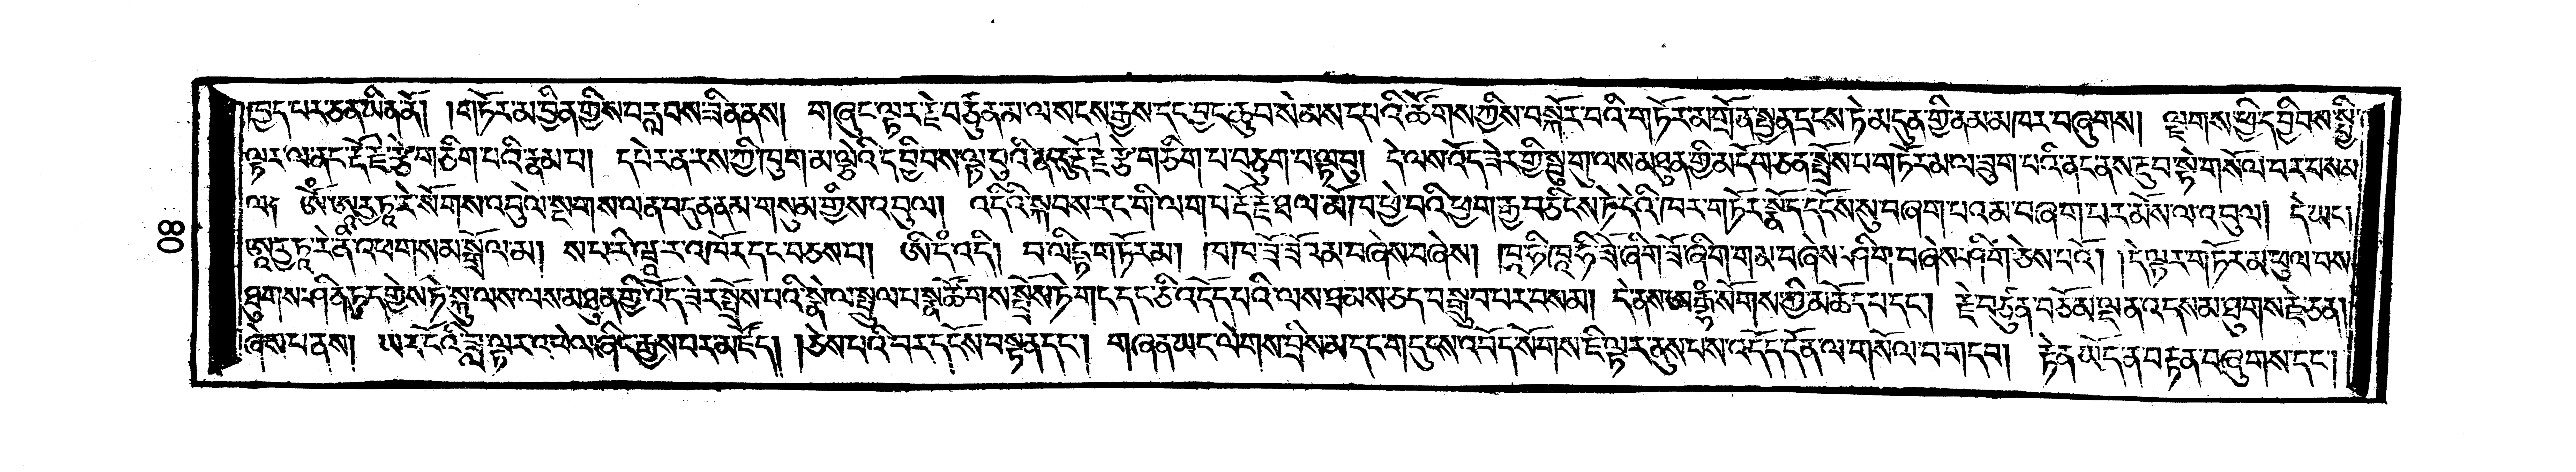ཁྱད་པར་ཅན་ཡིན་ནོ། །གཏོར་མ་བྱིན་གྱིས་བརླབས་ཟིན་ནས། གཞུང་ལྟར་རྗེ་བཙུན་མ་ལ་སངས་རྒྱས་དང་བྱང་ཆུབ་སེམས་དཔའི་ཚོགས་ཀྱིས་བསྐོར་བའི་གཏོར་མགྲོན་སྤྱན་དྲངས་ཏེ་མདུན་གྱི་ནམ་མཁར་བཞུགས། ལྗགས་ཕྱི་དབྱིབས་སྤྱི་
ལྟར་ལ་ནང་རྡོ་རྗེ་རྩེ་གཅིག་པའི་རྣམ་པ། དཔེར་ན་རས་ཀྱི་ཁུག་མ་ལྕེའི་དབྱིབས་ལྟ་བུའི་ནང་དུ་རྡོ་རྗེ་རྩེ་གཅིག་པ་བཅུག་པ་ལྟ་བུ། དེ་ལས་འོད་ཟེར་གྱི་སྤུ་གུ་ལས་མཐུན་གྱི་མདོག་ཅན་སྤྲོས་པ་གཏོར་མ་ལ་ཟུག་པའི་ནང་ནས་རྡུབ་སྟེ་གསོལ་བར་བསམས་
ལ༑ ཨོཾ་ཨཱརྱ་ཏཱ་རེ་སོགས་འབུལ་སྔགས་ལན་བདུན་ནམ་གསུམ་གྱིས་འབུམ། འདིའི་སྐབས་རང་གི་ལག་པ་རྡོ་རྗེ་ཐལ་མོ་ཁ་ཕྱེ་བའི་ཕྱག་རྒྱ་བཅིངས་ཏེ་དེའི་ཁར་གཏོར་སྣོད་དངོས་སུ་བཞག་པའམ་བཞག་པར་མོས་ལ་འབུལ། དེ་ཡང་།
ཨཱརྱ་ཏཱ་རེ་ནི་འཕགས་མ་སྒྲོལ་མ། ས་པ་རི་ཝཱ་ར་འཁོར་དང་བཅས་པ། ཨི་དཾ་འདི། བ་ལིངྟ་གཏོར་མ། ཁ་ཁ་ཟོ་ཟོའམ་བཞེས་བཞེས། ཁཱ་ཧི་ཁཱ་ཧི་ཟོ་ཞིག་ཟོ་ཞིག་གམ་བཞེས་ཤིག་བཞེས་ཤིག་ཅེས་པའོ། །དེ་ལྟར་གཏོར་མ་ཕུལ་བས་
ཐུགས་ཤིན་ཏུ་དགྱེས་ཏེ་སྐུ་ལས་ལས་མཐུན་གྱི་འོད་ཟེར་སྤྲོས་པའི་སྣེ་ལ་སྤྲུལ་པ་སྣ་ཚོགས་སྤྲོས་ཏེ་གང་དང་ཅི་འདོད་པའི་ལས་ཐམས་ཅད་བསྒྲུབ་པར་བསམ། དེ་ནས་ཨརྒྷཾ་སོགས་ཀྱི་མཆོད་པ་དང་། རྗེ་བཙུན་བཅོམ་ལྡན་འདས་མ་ཐུགས་རྗེ་ཅན།
ཞེས་པ་ནས། ཡར་ངོའི་ཟླ་ལྟར་འཕེལ་ཞིང་རྒྱས་པར་མཛོད། །ཅེས་པའི་བར་དངོས་བསྟན་དང་། གཞན་ཡང་ལེགས་བྲིས་མ་དང་གདུངས་འབོད་སོགས་ཇི་ལྟར་ནུས་པས་འདོད་དོན་ལ་གསོལ་བ་གདབ། རྟེན་ཡོད་ན་བརྟན་བཞུགས་དང་